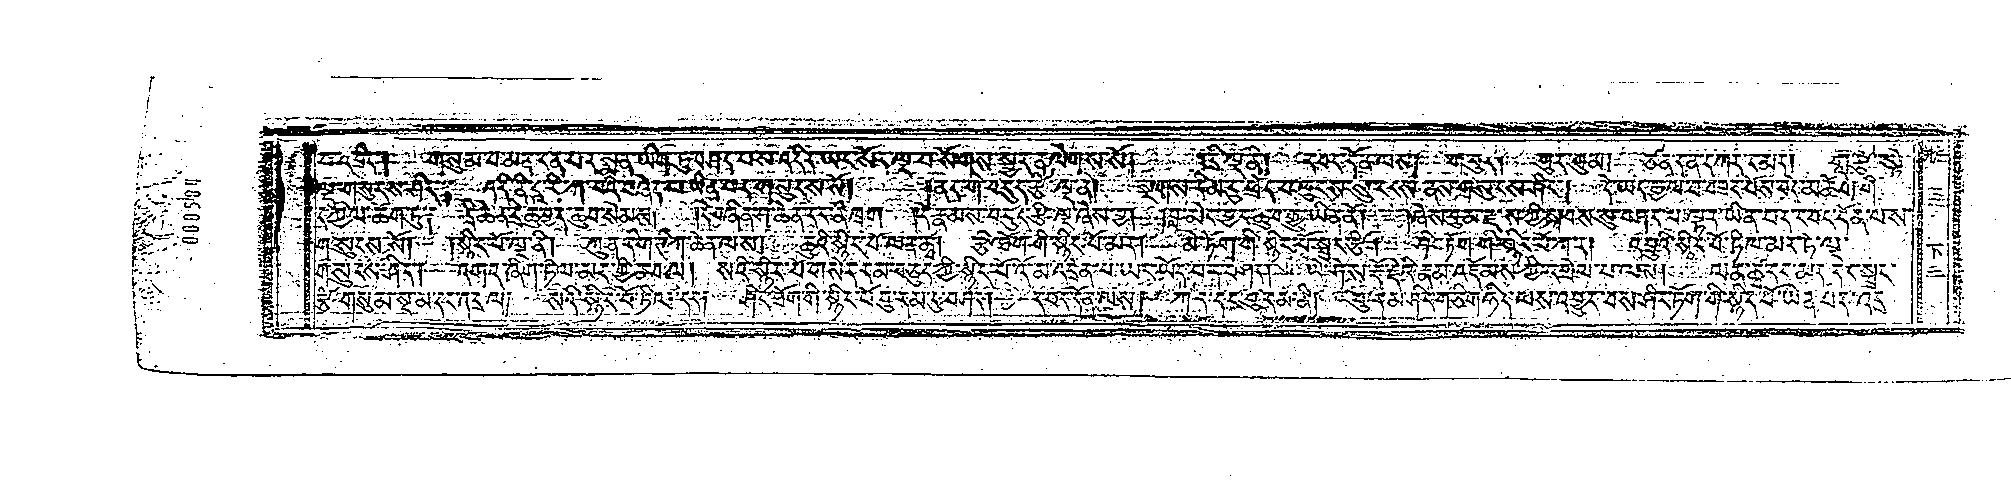བ་འབྲིང་། གསུམ་པ་མན་དན་པར་སྨན་ཡིག་ཏུ་བཤད་པས་འདིར་ཡང་སོར་ལྔ་བ་སོགས་སྦྱར་ན་ལེགས་སོ། །དྲི་ལྔ་ནི། དབང་དོན་ལས། ག་བུར། གུར་གུམ། ཙན་དན་དཀར་དམར། གླ་རྩི་སྟེ་
ལྔ་གསུངས་ཤིང༑ འདི་ནི་དཱ་རི་ཀ་པའི་བཞེད་པ་ཡིན་པར་གསུངས་སོ། །ནད་གི་བདུད་རྩི་ལྔ་ནི། སྔགས་རིམ་དུ་ཕྲེང་བ་ཁུངས་སུ་དངགས་ནས་གསུངས་ཤིང་། དེ་ཡང་རྒྱལ་བ་བཟང་པོས་བདེ་མཆོག་གི་
དཀྱིལ་ཆོག་ཏུ༑ དྲི་ཆེན་དྲི་ཆུ་བྱང་ཆུབ་སེམས། །དེ་བཞིན་ཤ་ཆེན་དང་ནི་ཁྲག །དེ་རྣམས་བདུད་རྩི་ལྔ་ཞེས་བྱ། །བླ་མེད་བྱང་ཆུབ་རྒྱུ་ཡིན་ནོ། །ཞེས་བུམ་རྫས་ཀྱི་སྐབས་སུ་བཤད་པ་ལྟར་ཡིན་པར་དབང་དོན་ལས་
གསུངས་སོ། །སྙིང་པོ་ལྔ་ནི། ཀུན་རིག་ཊིཀ་ཆེན་ལས། ཆུའི་སྙིང་པོ་ལན་ཚྭ། རྩི་ཐོག་གི་སྙིང་པོ་མར། མེ་ཏོག་གི་སྙིང་པོ་སྦྲང་རྩི། ཤིང་ཏོག་གི་སྙིང་པོ་ཀར། འབྲུའི་སྙིང་པོ་ཏིལ་མར་ཏེ་ལྔ་
གསུངས་ཤིང་། འགའ་ཞིག་ཏིལ་མར་གྱི་ཆབ་ལ། སའི་སྙིང་པོ་གསེར་རམ་བཅུད་ཀྱི་སྙིང་པོ་འོ་མ་འདྲེན་པ་ཡང་ཡོད་པར་བཤད། ཡེ་ཤེས་རྡོ་རྗེའི་རྣམ་འཇོམས་ཀྱི་འགྲེལ་པ་ལས། ལན་ཚྭ་དང་མར་དང་སྦྲང་
རྩི་གསུམ་སྔ་མ་དང་འདྲ་ལ། སའི་སྙིང་པོ་ཏིལ་དང་། ཤིང་ཐོག་གི་སྙིང་པོ་བུ་རམ་དུ་བཤད། དབང་དོན་ལས། ཀར་དང་བུ་རམ་ནི། བུ་རམ་ཤིང་གཅིག་ཉིད་ལས་འབྱུང་བས་ཤིང་ཏོག་གི་སྙིང་བོ་ཡིན་པར་འདྲ་